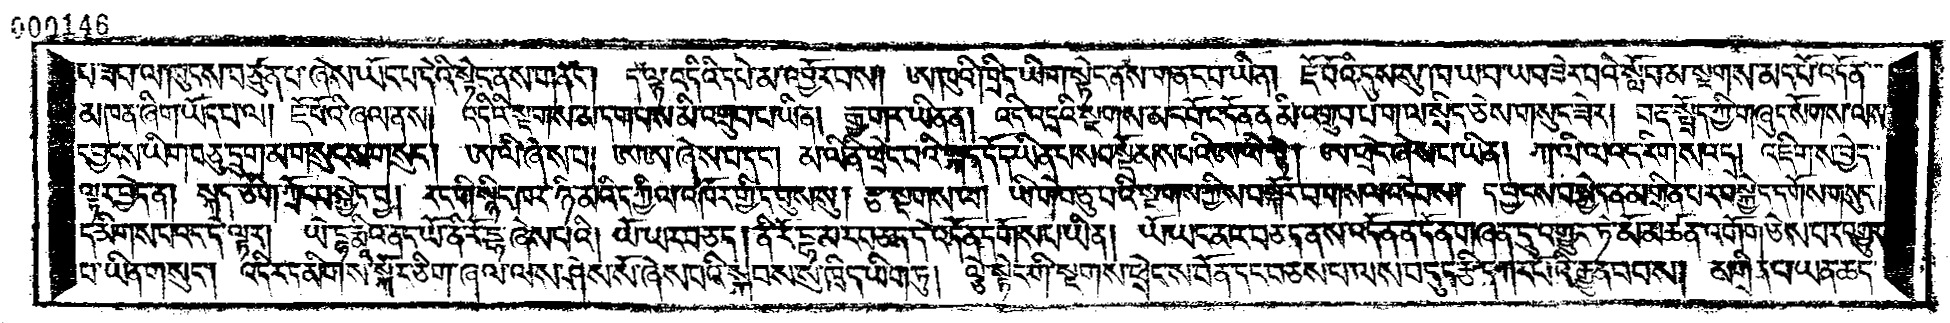པ་ཟབ་ལ་ཁུངས་བཙུན་པ་ཞེས་ཡོང་པ་དེའི་སྟེང་ནས་གནང་། ད་ལྟ་འདིའི་དཔེ་མ་འབྱོར་བས། ཨ་ཁུའི་ཁྲིད་ཡིག་སྟེང་ནས་གནང་བ་ཡིན། ཇོ་བོའི་དུས་སུ་ཁ་ཡབ་ཡབ་ཟེར་བའི་སློབ་མ་སྔགས་མང་པོ་འདོན་
མཁན་ཞིག་ཡོད་པ་ལ། ཇོ་བོའི་ཞལ་ནས། འདིའི་སྔགས་མ་དག་པས་མི་འགྲུབ་པ་ཡིན། རྒྱ་གར་ཡིན་ན། འདི་འདྲའི་སྔགས་མང་པོ་འདོན་ན་མི་འགྲུབ་པ་ག་ལ་སྲིད་ཅེས་གསུང་ཟེར། བརྡ་སྤྲོད་ཀྱི་གཞུང་སོགས་ལས་
དབྱངས་ཡིག་བཅུ་དྲུག་མ་གསུངས་གསུང་། ཨ་ལི་ཞེས་པ། ཨ་ཨ་ཞེས་པ་དང་། མ་ལི་ནི་ཕྲེང་བའི་སྐད་དོད་ཡིན་པས་བསྡོམས་པའི་ཨ་ལི་སྟེ། ཨ་ཕྲེང་ཞེས་པ་ཡིན། ཀ་ལི་ལའང་རིགས་འདྲ། འཇིགས་བྱེད་
ལྟར་བྱེད་ན། སྐད་ཅིག་ཀྲོང་བསྐྱེད་བྱ། རང་གི་སྙིང་ཁར་ཉི་མའི་དཀྱིལ་འཁོར་གྱི་དབུས་སུ། རྩ་སྔགས་ལ། ཡི་གེ་བཅུ་པའི་སྔགས་ཀྱིས་བསྐོར་བ་གསལ་འདེབས། དབྱངས་བསྐྱེད་ན་མགྲིན་པར་བསྐྱེད་དགོས་གསུང་།
དམིགས་པའང་དེ་ལྟར། ཡེ་དྷརྨཱིའ་ནང་ཡོ་ནི་རོ་དྷ་ཞེས་པའི། ཡོ་ཡར་བཅད། ནི་རོ་དྷ་མར་བཅད་དེ་འདོན་དགོས་པ་ཡིན། ཡོ་ཡར་མར་བཅད་ནས་འདོན་ན་དོན་གཞན་དུ་འགྱུར་ཏེ་མོ་མཚན་འགོག་ཅེས་པར་འགྱུར་
པ་ཡིན་གསུང་། འདིར་དམིགས་སྐོར་ཅིག་ཞལ་ལས་ཤེས་སོ་ཞེས་པའི་སྐབས་སུ་ཁྲིད་ཡིག་ཏུ། ལྕེ་སྟེང་གི་སྔགས་ཕྲེང་ས་བོན་དང་བཅས་པ་ལས་བདུད་རྩི་དཀར་པོའི་རྒྱུན་བབས། མགྲིན་པ་ཡན་ཆད་